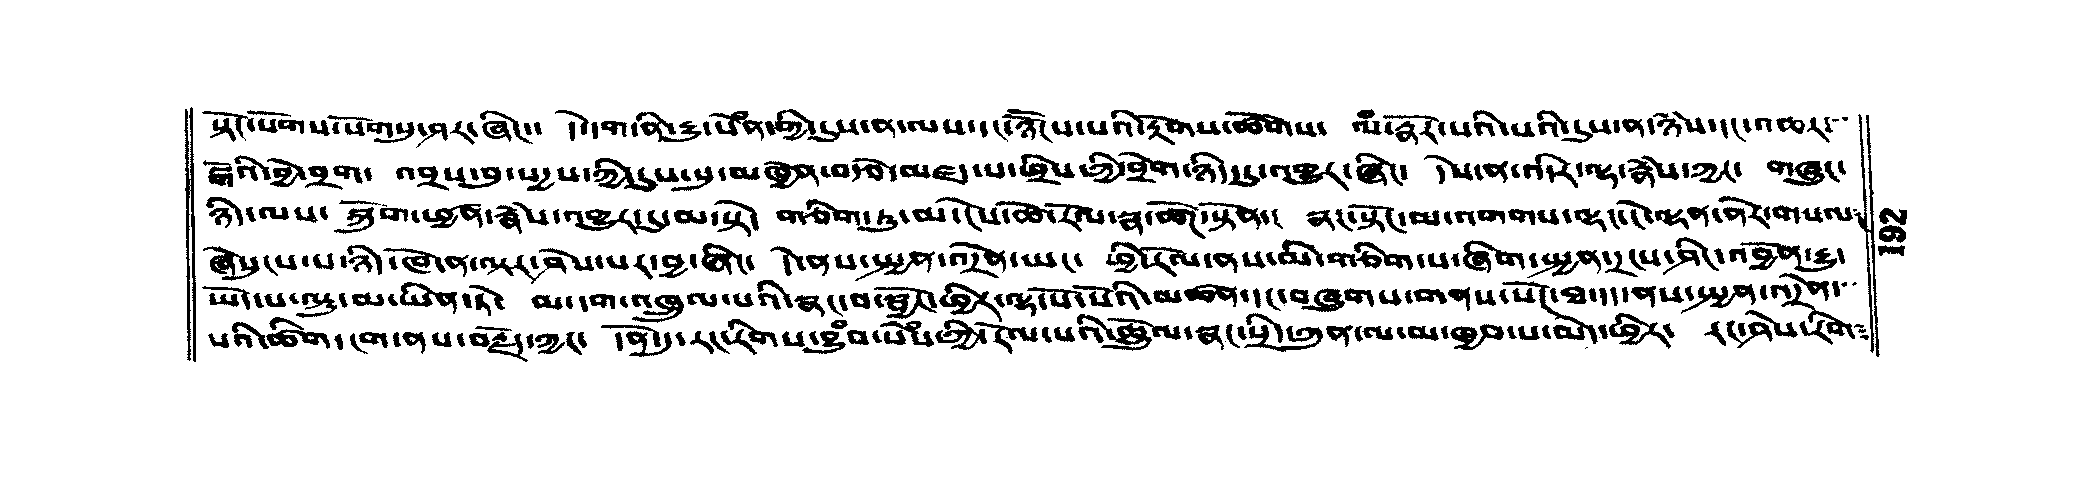སྟོང་སོགས་སུ་ཤར་ཞིང་། དེ་དག་ནི་རྒྱུ་སེམས་ཅན་གྱི་དུས་ན་ལས་དང་ཉོན་མོངས་པའི་རྟོགས་ཚོགས། ལམ་རྣལ་འབྱོར་པའི་དུས་ན་ཉམས་དང་འཆར་
སྒོའི་བྱེ་བྲག འབྲས་བུ་སངས་རྒྱས་ཀྱི་དུས་སུ་མཁྱེན་བརྩེ་མཛད་པ་ཕྲིན་ལས་ཀྱི་བྲེག་ཉིད་དུ་འགྱུར་ཞིང་། དེས་ན་འདིར་ལྷ་རྣམས་ཀྱང་། གཞུང་
ཉིད་ལས། སྐུ་མདོག་ཕྱག་མཚན་རྣམས་འགྱུར་དུ་མ་སྟེ། གཅིག་ཏུ་ངེས་ཆེ་རོལ་སྣ་ཚོགས་སྟོན། སྣང་སྟོང་མ་འགགས་ལྷང་ངེ་ལྷན་ནེར་གསལ། 
ཞེས་གསུངས་པ་ཉིད་ཁོ་ན་ལྟར་ཤེས་པར་བྱ་ཞིང་། དེ་ནས་སྤྱན་འདྲེན་ཡང་། ཕྱི་རོལ་ནས་མི་གཅིག་པ་ཞིག་སྤྱན་དྲངས་ཤིང་འབྱོན་རྒྱུ་
ཡོད་པ་ལྟ་བུ་མ་ཡིན་ཏེ། མ་དག་འཁྲུལ་པའི་སྣང་བ་སྦྱོང་ཕྱིར་ལྷ་སོ་སོའི་མཚན་དང་བཞུགས་གནས་སོགས་ཐ་དད་ནས་སྤྱན་འདྲེན་
པའི་ཚིག་ངག་ནས་བརྗོད་ཀྱང་། དོན་དུ་རང་རིགས་བྱང་ཆུབ་སེམས་ཀྱི་རོལ་པའི་ཆོ་འཕྲུལ་སྣང་སྲིད་ཀུན་ལ་མ་ཁྱབ་པ་མེད་ཕྱིར། རང་ཤེས་རིག་